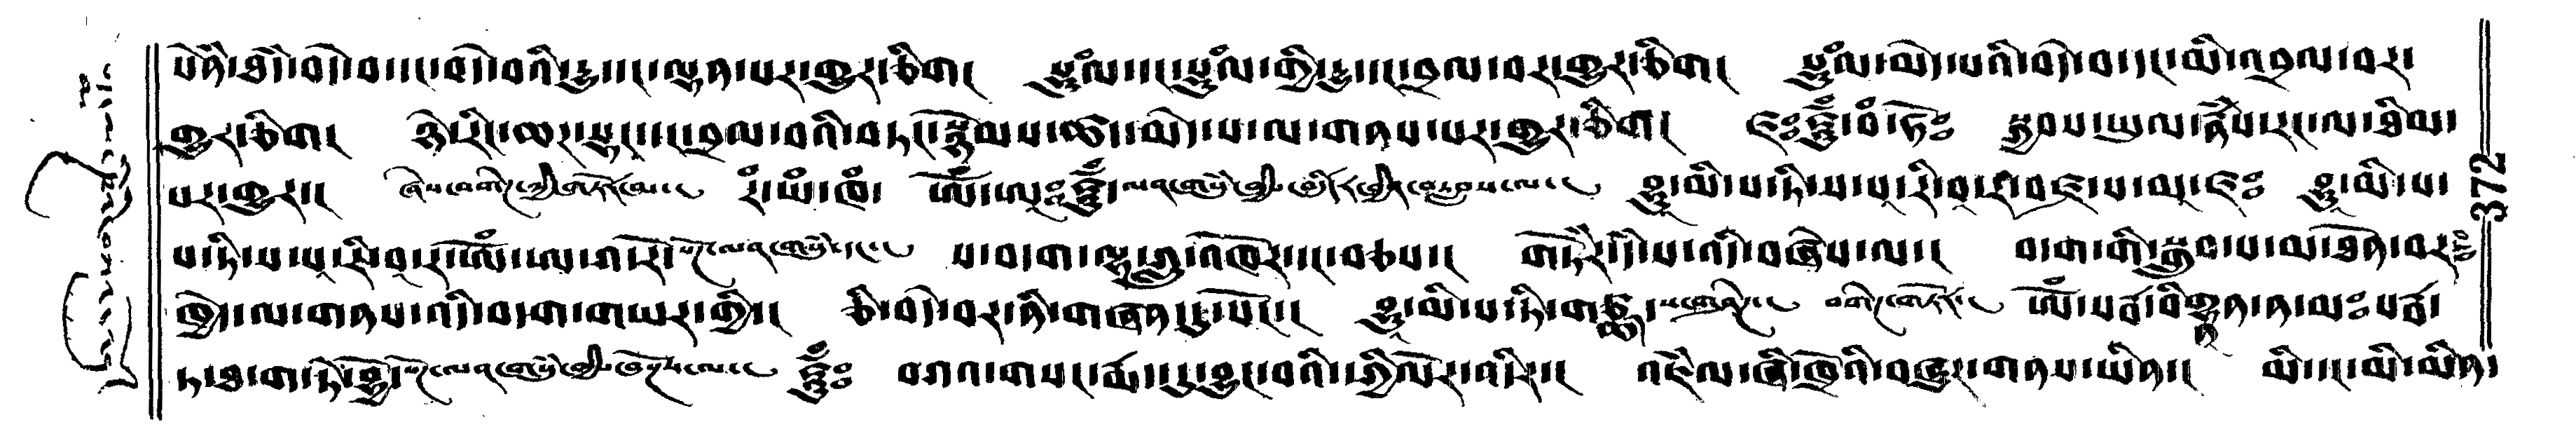སེམས་ཅན་ཐམས་ཅད་བདེ་བ་དང་བདེ་བའི་རྒྱུ་དང་ལྡན་པར་གྱུར་ཅིག སྡུག་བསྔལ་དང་སྡུག་བསྔལ་གྱི་རྒྱུ་དང་བྲལ་བར་གྱུར་ཅིག སྡུག་བསྔལ་མེད་པའི་བདེ་བ་དང་མི་འབྲལ་བར་
གྱུར་ཅིགཉེ་རིང་ཆགས་སྡང་དང་བྲལ་བའི་བཏང་སྙོམས་ཚད་མེད་པ་ལ་གནས་པར་གྱུར་ཅིག ཛཿཧཱུྂ་བཾ་ཧོཿ སྐྱབས་ཡུལ་རྣམས་རང་ལ་ཐིམ་
པར་གྱུར། ཞེས་བགེགས་ཀྱི་གཏོར་མ། རཾ་ཡཾ་ཁཾ། ཨོཾ་ཨཱཿཧཱུྂ། ལན་གསུམ་གྱིས་བདུད་རྩིར་བྱིན་བརླབས་ལ། བྷུ་མི་པ་ཏི་ས་པཱ་རི་བཱ་ར་བཛྲ་ས་མཱ་ཛཿ བྷུ་མི་པ་
ཏི་ས་པཱ་རི་བཱ་ར་ཨོཾ་ཨ་ཀ་རོ་སོགས་ལན་གསུམ་དང་། ས་བདག་ལྷ་ཀླུ་འཁོར་དང་བཅས། །གཏོར་མ་དམ་པ་འདི་བཞེས་ལ། །བདག་གི་སྒྲུབ་པ་མ་ཐོན་བར། 
ཁྱེད་ལ་གནས་འདི་བདག་གཡར་གྱི། །ཅི་བདེ་བར་ནི་གཞན་དུ་སོང་། བྷུ་མི་པ་ཏི་གཙྪ ས་གཤེགས། བགེགས་གཏོར། ཨོཾ་སརྦ་བིགྷྣཱན་ན་མཿསརྦ་
ཏ་ཐ་ག་ཏེ་བྷྱོ་སོགས་ལན་གསུམ་གྱིས་བསྔོས་ལ། ཧཱུྃ། བཀའ་གསང་རྨད་བྱུང་དཀྱིལ་འཁོར་འདིར། །འཇམ་དཔལ་ཞི་ཁྲོའི་བཞུགས་གནས་ཡིན། །མི་དང་མི་མིན་